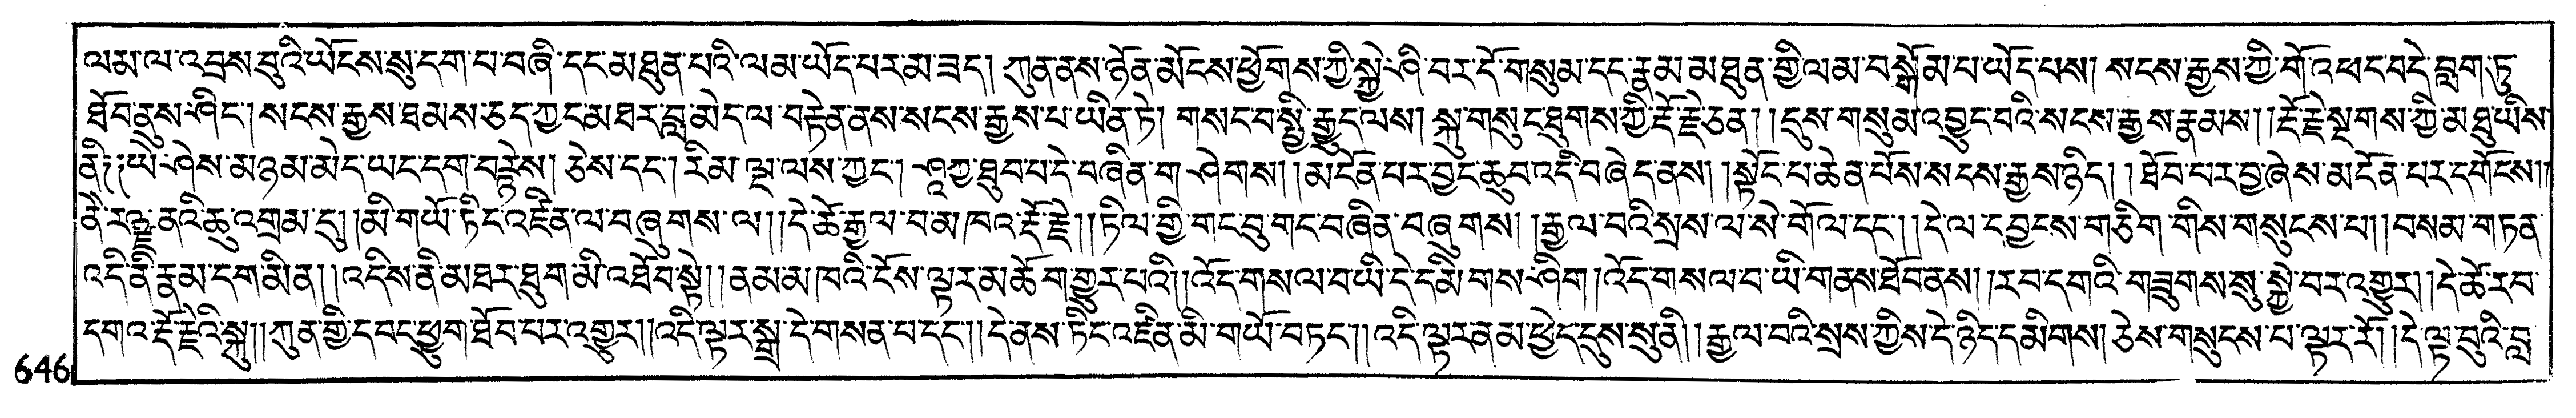ལམ་ལ་འབྲས་བུའི་ཡོངས་སུ་དག་པ་བཞི་དང་མཐུན་པའི་ལམ་ཡོད་པར་མ་ཟད། ཀུན་ནས་ཉོན་མོངས་ཕྱོགས་ཀྱི་སྐྱེ་ཤི་བར་དོ་གསུམ་དང་རྣམ་མཐུན་གྱི་ལམ་བསྒོམ་པ་ཡོད་པས། སངས་རྒྱས་ཀྱི་གོ་འཕང་བདེ་བླག་ཏུ་
ཐོབ་ནུས་ཤིང་། སངས་རྒྱས་ཐམས་ཅད་ཀྱང་མཐར་བླ་མེད་ལ་བརྟེན་ནས་སངས་རྒྱས་པ་ཡིན་ཏེ། གསང་བ་སྤྱི་རྒྱུད་ལས། སྐུ་གསུང་ཐུགས་ཀྱི་རྡོ་རྗེ་ཅན། །དུས་གསུམ་འབྱུང་བའི་སངས་རྒྱས་རྣམས། །རྡོ་རྗེ་སྔགས་ཀྱི་མཐུ་ཡིས་
ནི། །ཡེ་ཤེས་མཉམ་མེད་ཡང་དག་བརྙེས། ཅེས་དང་། རིམ་ལྔ་ལས་ཀྱང་། ཤཱཀྱ་ཐུབ་པ་དེ་བཞིན་གཤེགས། །མངོན་པར་བྱང་ཆུབ་འདི་བཞེད་ནས། །སྟོང་པ་ཆེན་པོས་སངས་རྒྱས་ཉིད། །ཐོབ་པར་བྱ་ཞེས་མངོན་པར་དགོངས། །
འདི་བཞེད་ནས། །སྟོང་པ་ཆེན་པོས་སངས་རྒྱས་ཉིད། །ཐོབ་པར་ལ། །དེ་ཚེ་རྒྱལ་བ་མཁའ་རྡོ་རྗེ། །ཏིལ་གྱི་གང་བུ་གང་བཞིན་བཞུགས། །རྒྱལ་བའི་སྲས་ལ་སེ་གོལ་དང་། །དེ་ལ་དབྱངས་གཅིག་གིས་གསུངས་པ། །བསམ་གཏན་
འདི་ནི་རྣམ་དག་མིན། །འདིས་ནི་མཐར་ཐུག་མི་འཐོབ་སྟེ། །ནམ་མཁའི་ངོས་ལྟར་མཆོག་གྱུར་པའི། །འོད་གསལ་བ་ཡི་དེ་དམིགས་ཤིག །འོད་གསལ་བ་ཡི་གནས་ཐོབ་ནས། །རབ་དགའི་གཟུགས་སུ་སྐྱེ་བར་འགྱུར། །དེ་ཚེ་རབ་
དགའ་རྡོ་རྗེའི་སྐུ། །ཀུན་གྱི་དབང་ཕྱུག་ཐོབ་པར་འགྱུར། །འདི་ལྟར་སྒྲ་དེ་གསན་པ་དང་། །དེ་ནས་ཏིང་འཛིན་མི་གཡོ་བཏང་། །འདི་ལྟར་ནམ་ཕྱེད་དུས་སུ་ནི། །རྒྱལ་བའི་སྲས་ཀྱིས་དེ་ཉིད་དམིགས། ཅེས་གསུངས་པ་ལྟར་རོ། །དེ་ལྟ་བུའི་བླ་